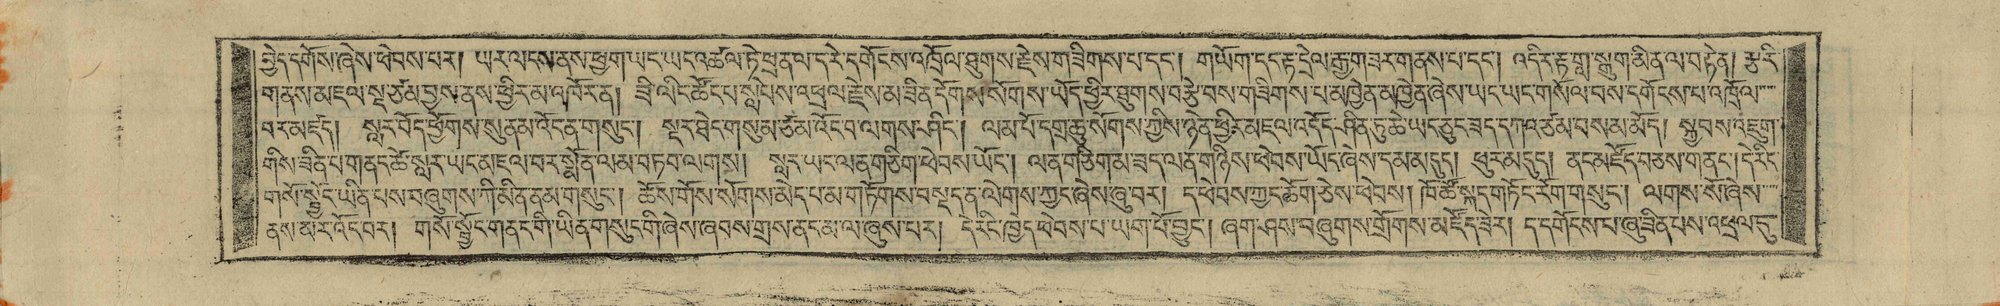བྱེད་དགོས་ཞེས་ཕེབས་པར། ཡར་ལངས་ནས་ཕྱག་ཡང་ཡང་འཚལ་ཏེ་ཕྲན་ལ་ད་རེ་དགོངས་འཁྲོལ་ཐུགས་རྗེས་གཟིགས་པ་དང་། གཡོག་དང་རྟ་དྲེལ་རྒྱ་གཟར་གནས་པ་དང་། འདིར་རྟ་གླ་སྒུག་མིན་ལ་བརྟེན། རྩ་རི་
གནས་མཇལ་སྔ་ཙམ་བྱས་ནས་ཕྱིར་མ་འཁོར་ན། ཟི་ལིང་ཚོང་པ་སླེབས་འཕྲལ་རྗེས་མ་ཟིན་དོགས་སོགས་ཡོད་ཕྱིར་ཐུགས་བརྩེ་བས་གཟིགས་པ་མཁྱེན་མཁྱེན་ཞེས་ཡང་ཡང་གསོལ་བས་དགོངས་པ་འཁྲོལ་
བར་མཛད། སླར་བོད་ཕྱོགས་སུ་ནམ་འོང་ན་གསུང་། སྔར་ཐེང་གསུམ་ཙམ་འོང་བ་ལགས་ཤིང་། ལམ་པོ་དགྲ་ཆུ་སོགས་ཀྱིས་ཉེན་ཕྱིར་མཇལ་འདོད་ཤིན་ཏུ་ཆེ་ཡང་ཅུང་ཟད་དཀའ་ཙམ་བསམ་མོད། སྐྱབས་འཇུག་
གིས་ཟིན་པ་གནང་ཚེ་སླར་ཡང་མཇལ་བར་སྨོན་ལམ་བཏབ་ལགས། སླར་ཡང་ལན་གཅིག་ཕེབས་ཡོང་། ལན་གཅིག་མ་ཟད་ལན་གཉིས་ཕེབས་ཡོད་ཞེས་དམ་མདུད། ཕུར་མདུད། ནང་མཛོད་བཅས་གནང་། དེ་རིང་
གསོ་སྦྱོང་ཡིན་པས་བཞུགས་ཀི་མིན་ནམ་གསུང་། ཆོས་གོས་སོགས་མེད་པ་མ་གཏོགས་བསྡད་ན་ལེགས་ཀྱང་ཞེས་ཞུ་བར། ད་ཕེབས་ཀྱང་ཆོག་ཅེས་ཕེབས། ཁོ་ཚོ་སྐད་གཏོང་རོག་གསུང་། ལགས་སོ་ཞེས་
ནས་མར་འོང་བར། གསོ་སྦྱོང་གནང་གི་ཡིན་གསུང་གི་ཞེས་ཞབས་གྲས་ནང་མ་ལ་ཞུས་པར། དེ་རིང་ཁྱེད་ཕེབས་པ་ཡག་པོ་བྱུང་། ཞག་ཤས་བཞུགས་གྲོགས་མཛོད་ཟེར། ད་དགོངས་པ་ཞུ་ཟིན་པས་འཕྲལ་དུ་